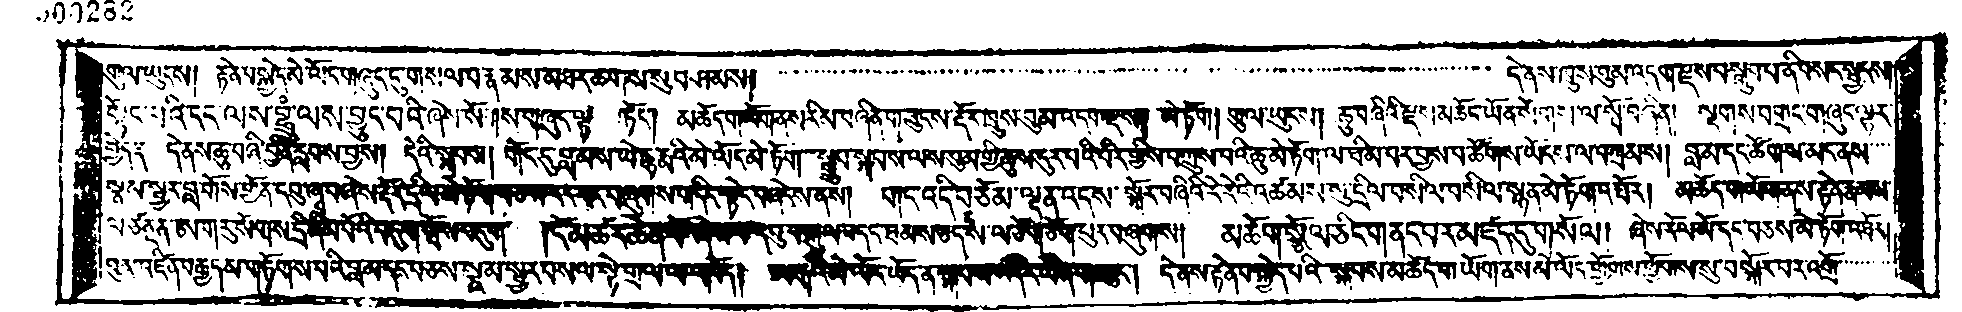གུལ་ཡུངས། རྟེན་བསྐྱེད་མེ་ལོང་གཞུང་དུ་གསལ་བ་རྣམས་མཐར་ཆགས་སུ་བཤམས། དེ་ནས་ཁྲུས་བུམ་འདག་རྫས་བསྒྲུབ་པ་ནི་བསང་སྦྱངས
སྟོང་པའི་ངང་ལས་བྷྲུཾ་ལས་བྱུང་བའི་ཞེས་སོགས་གཞུང་ལྟ་གཏོང་། ?་མཆོད་གཡོག་ནས་རིམ་བཞིན་གཞུངས་རྡོར་ཁྲུས་བུམ་འདག་རྫས། མེ་ཏོག །གུལ་ཡུངས། ཆུ་བཞིའི་རྫས་མཆོད་ཡོན་སོགས་ལ་སྤོ་བཞིན། སྔགས་བགྲང་གཞུང་ལྟར་
བྱེད༑ དེ་ནས་ཆུ་བཞི་བྱིན་རླབས་བྱས། དེའི་སྐབས། གོང་དུ་བླ་མས་ཡེ་དྷརྨའི་མེ་ལོང་མེ་ཏོག་སྒྲུབ་སྐབས་ལས་བུམ་གྱི་ཆུས་ངུར་པའི་བིར་གྱིས་བཀྲུས་པའི་ཆུ་མེ་ཏོག་ལ་ཐིམ་པར་བྱས་པ་ཚོགས་ཡོངས་ལ་བཀྲམས། བླ་མ་དང་ཚོགས་མང་ནས་
སྣམ་སྦྱར་བླ་གོས་གྱོན་དབུ་ཞྭ་བཞེས་རྡོར་དྲིལ་མེ་ཏོག་བཅས་རང་རང་བཞུགས་གདིང་སྟེང་བཞེངས་ནས། གང་འདི་བཅོམ་ལྡན་འདས་སྐོར་བཞིའི་རེ་རེའི་འཚམས་སུ་དྲིལ་བསིལ་བསིལ་སྙན་མེ་ཏོག་འཐོར། མཆོད་གཡོག་ནས་རྟེན་རྣམས་
ལ་ཙནྡན་ཨ་ག་རུ་སོགས་དྲི་ཞིམ་པོའི་བདུག་སྤོས་བདུག ། ངོ་མཚར་ཆེན་པོ་ཞེས་པ་དབུ་བསྐུལ་བ་དང་ཐམས་ཅད་སེ་ལ་ཙོག་ཙོག་པུར་བཞུགས།  མཆོག་སྩོལ་ཅིང་གནང་བར་མཛད་དུ་གསོལ། ཞེས་རོལ་མོ་དང་བཅས་མེ་ཏོག་འཐོར།
བུམ་འཛིན་བརྒྱད་མ་གཏོགས་པའི་བླ་མ་དང་བཅས་སྣམ་སྦྱར་བསལ་སྟེ་གྲལ་ལ་འཁོད། ཨརྒའི་མེ་ལོང་ཡོད་ན་སྐབས་འདིར་ཡིན་གསུང་། དེ་ནས་རྟེན་བསྐྱེད་པའི་སྐབས་མཆོད་གཡོག་ནས་མེ་ལོང་ཕྱོགས་ཕྱོགས་སུ་བསྐོར་བར་འགྲོ་